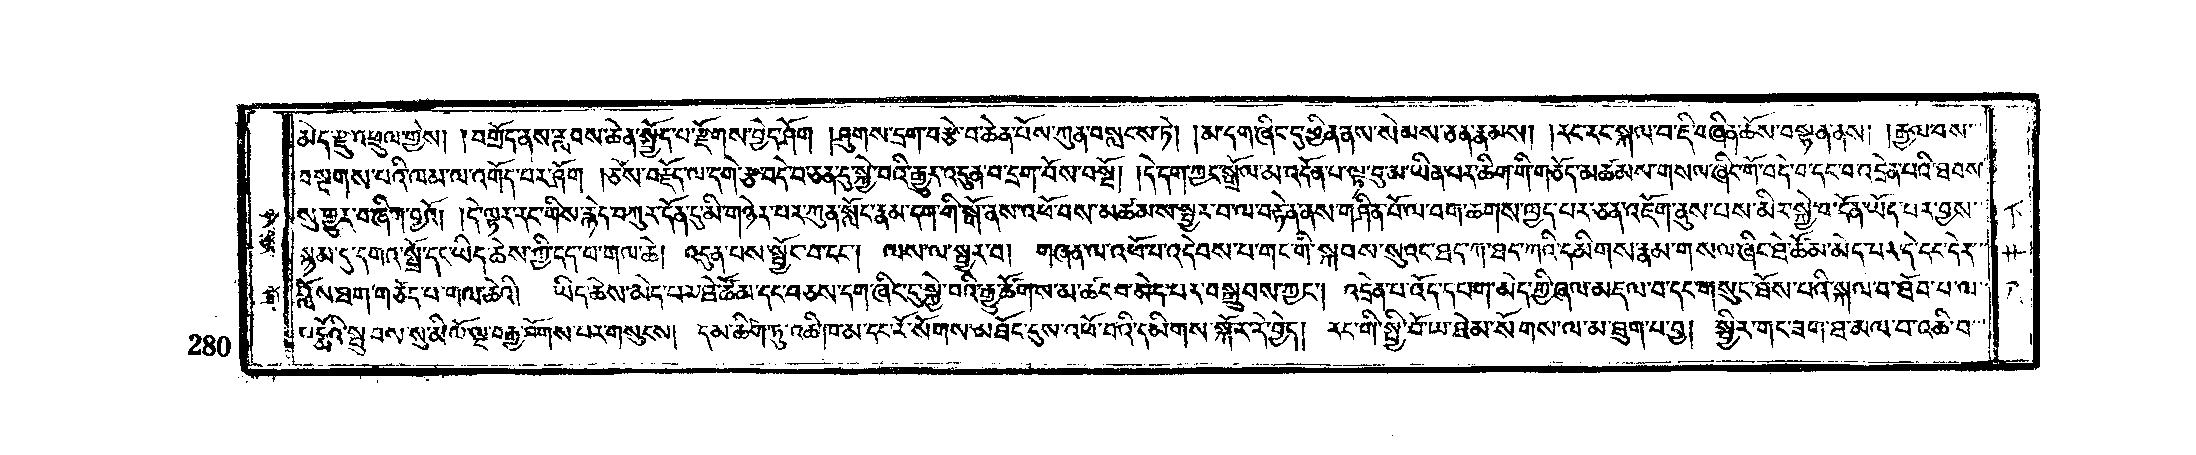མེད་རྫུ་འཕྲུལ་གྱིས། །བགྲོད་ནས་རླབས་ཆེན་སྤྱོད་པ་རྫོགས་བྱེད་ཤོག །ཤུགས་དྲག་བརྩེ་བ་ཆེན་པོས་ཀུན་བསླངས་ཏེ། །མ་དག་ཞིང་དུ་ཕྱིན་ནས་སེམས་ཅན་རྣམས། །རང་རང་སྐལ་བ་ཇི་བཞིན་ཆོས་བསྟན་ནས། །རྒྱལ་བས་
བསྔགས་པའི་ལམ་ལ་འགོད་པར་ཤོག །ཅེས་བརྗོད་ལ་དགེ་རྩ་བདེ་བ་ཅན་དུ་སྐྱེ་བའི་རྒྱུར་འདུན་བ་དྲག་པོས་བསྔོ། །དེ་དག་ཀྱང་སྒྲོལ་མ་འདོན་པ་ལྟ་བུ་མ་ཡིན་པར་ཆིག་གི་གཅོད་མཚམས་གསལ་ཞིང་གོ་བདེ་བ་དང་བ་འདྲེན་པའི་ཐབས་
སུ་གྱུར་བ་ཞིག་བྱའོ། །དེ་ལྟར་རང་གིས་རྙེད་བཀུར་དོན་དུ་མི་གཉེར་པར་ཀུན་སློང་རྣམ་དག་གི་སྒོ་ནས་འཕོ་བས་མཚམས་སྦྱར་བ་ལ་བརྟེན་ནས་གཤིན་པོ་ལ་བག་ཆགས་ཁྱད་པར་ཅན་འཇོག་ནུས་པས་མིར་སྐྱེ་བ་དོན་ཡོད་པར་བྱས་
སྙམ་དུ་དགའ་སྤྲོ་དང་ཡིད་ཆེས་ཀྱི་དད་པ་གལ་ཆེ། འདུན་པས་སྦྱོང་བ་དང་། ལས་ལ་སྦྱར་བ། གཞན་ལ་འཕོ་པ་འདེབས་པ་གང་གི་སྐབས་སུའང་ཐད་ཀ་ཐད་ཀའི་དམིགས་རྣམ་གསལ་ཞིང་ཐེ་ཚོམ་མེད་པར་དེ་དང་དེར་
བློས་ཐག་གཅོད་པ་གལ་ཆེའི། ཡིད་ཆེས་མེད་པར་ཐེ་ཚོམ་དང་བཅས་དག་ཞིང་དུ་སྐྱེ་བའི་རྒྱུ་ཚོགས་མ་ཚང་བ་མེད་པར་བསྒྲུབས་ཀྱང་། འདྲེན་པ་འོད་དཔག་མེད་ཀྱི་ཞལ་མཇལ་བ་དང་གསུང་ཐོས་པའི་སྐལ་བ་ཐོབ་པ་ལ་
པདམོའི་སྦུབས་སུ་མི་ལོ་ལྔ་བརྒྱ་ཐོགས་པར་གསུངས། དམ་ཚིག་ཏུ་འཆི་ཁ་མ་དང་རོ་སོགས་མཐོང་དུས་འཕོ་བའི་དམིགས་སྐོར་རེ་བྱེད། རང་གི་སྤྱི་བོ་ཡ་ཐེམ་སོགས་ལ་མ་ཐུག་པ་བྱ། སྤྱིར་གང་ཟག་ཐ་མལ་བ་འཆི་བ་